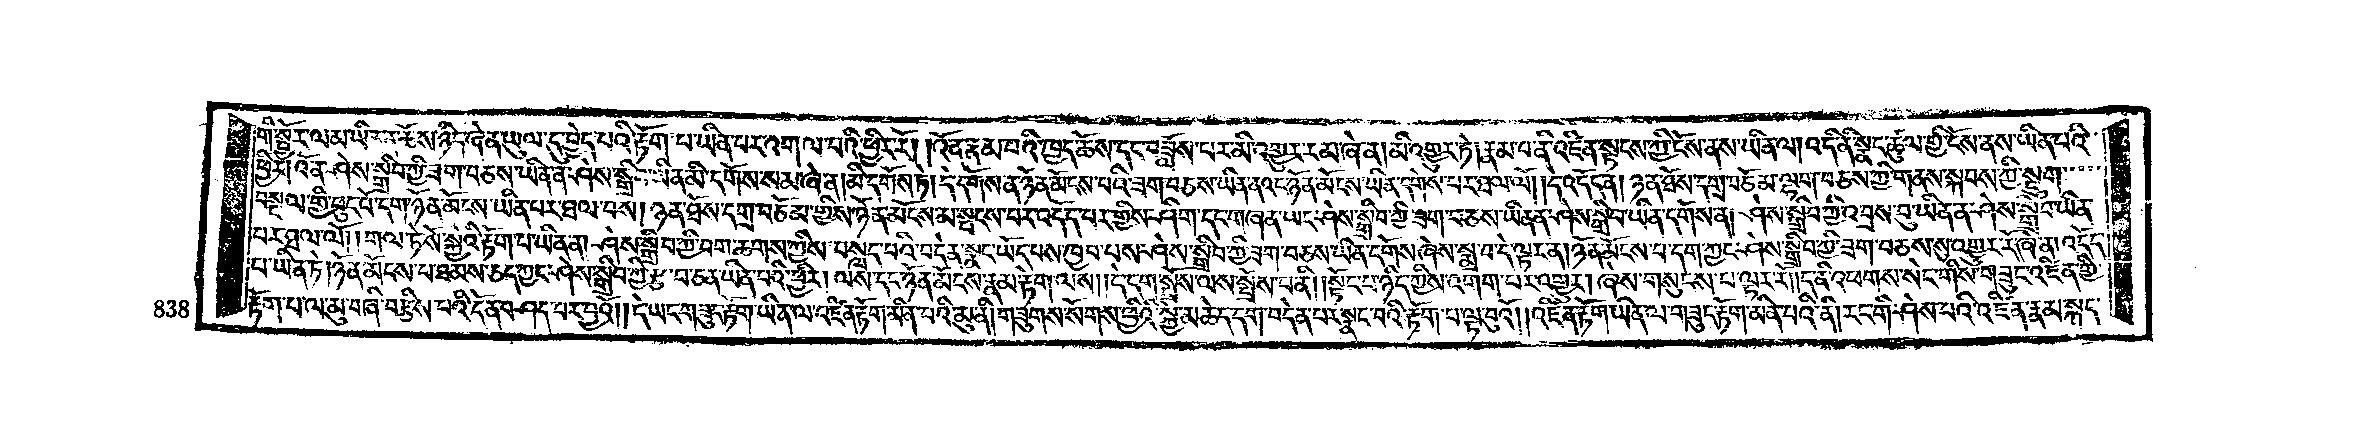གི་སྦྱོར་ལམ་ཡིན་ན་ཆོས་ཉིད་ཞེན་ཡུལ་དུ་བྱེད་པའི་རྟོག་པ་ཡིན་པར་འགལ་བའི་ཕྱིར་རོ། །འོ་ན་རྣམ་པའི་ཁྱད་ཆོས་དང་བཟློས་པར་མི་འགྱུར་རམ་ཞེ་ན། མི་འགྱུར་ཏེ། རྣམ་པ་ནི་འཛིན་སྟངས་ཀྱི་ངོས་ནས་ཡིན་ལ། འདི་ནི་སྣང་ཚུལ་གྱི་ངོས་ནས་ཡིན་པའི་
ཕྱིར། འོ་ན་ཤེས་སྒྲིབ་ཀྱི་ཟག་བཅས་ཡིན་ན་ཤེས་སྒྲིབ་ཡིན་མི་དགོས་སམ་ཞེ་ན། མི་དགོས་ཏེ། དེ་དགོས་ན་ཉོན་མོངས་པའི་ཟག་བཅས་ཡིན་ནའང་ཉོན་མོངས་ཡིན་དགོས་པར་ཐལ་ལོ། །དེ་འདོད་ན། ཉན་ཐོས་དགྲ་བཅོམ་ལྷག་བཅས་ཀྱི་གནས་སྐབས་ཀྱི་སྡུག་
བསྔལ་གྱི་ཕུང་པོ་དག་ཉོན་མོངས་ཡིན་པར་ཐལ་བས། ཉན་ཐོས་དགྲ་བཅོམ་གྱིས་ཉོན་མོངས་མ་སྤངས་པར་འདོད་པར་གྱིས་ཤིག་དང་གཞན་ཡང་ཤེས་སྒྲིབ་ཀྱི་ཟག་བཅས་ཡིན་ན་ཤེས་སྒྲིབ་ཡིན་དགོས་ན། ཤེས་སྒྲིབ་ཀྱི་འབྲས་བུ་ཡིན་ན་ཤེས་སྒྲིབ་ཡིན་
པར་ཐལ་ལོ། །གལ་ཏེ་སོ་སྐྱེའི་རྟོག་པ་ཡིན་ན། ཤེས་སྒྲིབ་ཀྱི་བག་ཆགས་ཀྱིས་བསླད་པའི་བདེན་སྣང་ཡོད་པས་ཁྱབ་པས་ཤེས་སྒྲིབ་ཀྱི་ཟག་བཅས་ཡིན་དགོས་ཞེས་སྨྲ་བ་དེ་ལྟར་ན། ཉོན་མོངས་པ་དག་ཀྱང་ཤེས་སྒྲིབ་ཀྱི་ཟག་བཅས་སུ་འགྱུར་རོ་ཞེ་ན། འདོད་
པ་ཡིན་ཏེ། ཉོན་མོངས་པ་ཐམས་ཅད་ཀྱང་ཤེས་སྒྲིབ་ཀྱི་རྩ་བ་ཅན་ཡིན་པའི་ཕྱིར། ལས་དང་ཉོན་མོངས་རྣམ་རྟོག་ལས། །དེ་དག་སྤྲོས་ལས་སྤྲོས་པ་ནི། །སྟོང་པ་ཉིད་ཀྱིས་འགག་པར་འགྱུར། ཞེས་གསུངས་པ་ལྟར་རོ། །དེ་ནི་འཕགས་སེང་གིས་གཟུང་འཛིན་གྱི་
རྟོག་པ་ལ་མུ་བཞི་བརྩིས་པའི་དོན་བཤད་པར་བྱའོ། །དེ་ཡང་གཟུང་རྟོག་ཡིན་ལ་འཛིན་རྟོག་མིན་པའི་མུ་ནི། གཟུགས་སོགས་ཕྱིའི་སྐྱེ་མཆེད་དག་བདེན་པར་སྣང་བའི་རྟོག་པ་ལྟ་བུའོ། །འཛིན་རྟོག་ཡིན་ལ་གཟུང་རྟོག་མིན་པའི་ནི། རང་གི་ཤེས་པའི་འཛིན་རྣམ་སྐད་